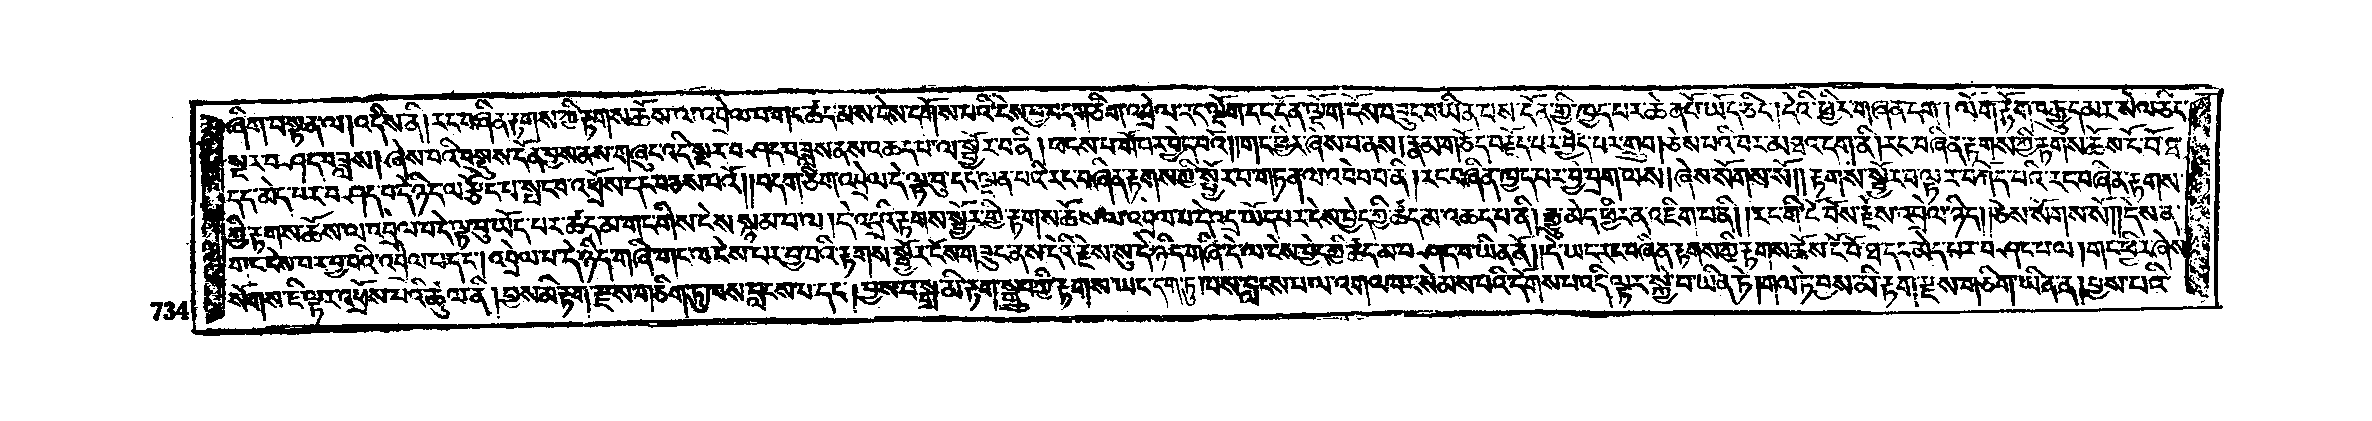ཞིག་བསྟན་ལ། འདིས་ནི། རང་བཞིན་རྟགས་ཀྱི་རྟགས་ཆོས་ལ་འབྲེལ་པ་གང་ཚད་མས་ངེས་དགོས་པའི་ངེས་བྱ་བདག་ཅིག་འབྲེལ་རང་ལྡོག་དང་དོན་ལྡོག་ངོས་བཟུང་བ་ཡིན་པས་དོན་གྱི་ཁྱད་པར་ཆེན་པོ་ཡོད་ཅིང་། དེའི་ཕྱིར་གཞན་དག། ལོག་རྟོག་བརྒྱུད་དམར་སེལ་ཅིང་
སྔར་བཤད་བཟླས། ཞེས་པའི་བསྡུས་དོན་བྱས་ནས་གཞུང་འདི་སྔར་བཤད་བཟླས་ནས་འཆད་པ་ལ་སྦྱོར་བ་ནི། ཕངས་པ་གོ་བར་བྱེད་པའོ། །གང་ཕྱིར་ཞེས་པ་ནས། རྣམ་གཅོད་བརྗོད་པར་བྱེད་པར་གྲུབ། ཅེས་པའི་བར་མཐའ་དག་ནི། རང་བཞིན་རྟགས་ཀྱི་རྟགས་ཆོས་ངོ་བོ་ཐ་
དད་མེད་པར་བཤད་པ་དེ་ཉིད་ལ་རྩོད་པ་སྤང་བ་འཕྲོས་དང་བཅས་པའོ། །བདག་ཅིག་འབྲེལ་དེ་ལྟ་བུ་དང་ལྡན་པའི་རང་བཞིན་རྟགས་ཀྱི་སྦྱོར་བ་གཏན་ལ་འབེབ་པ་ནི། རང་བཞིན་ཁྱད་པར་བྱེ་བྲག་ལས། ཞེས་སོགས་སོ། །རྟགས་སྦྱོར་བ་ལྟར་བཀོད་པའི་རང་བཞིན་རྟགས་
ཀྱི་རྟགས་ཆོས་ལ་འབྲེལ་བ་དེ་ལྟ་བུ་ཡོད་པར་ཚད་མ་གང་གིས་ངེས་སྙམ་པ་ལ། དེ་འདྲའི་རྟགས་སྦྱོར་གྱི་རྟགས་ཆོས་ལ་འབྲེལ་པ་དེ་འདྲ་ཡོད་པར་ངེས་བྱེད་ཀྱི་ཚད་མ་འཆད་པ་ནི། རྒྱུ་མེད་ཕྱིར་ན་འཇིག་པ་ནི། །རང་གི་ངོ་བོས་རྗེས་འབྲེལ་ཉིད། །ཅེས་སོགས་སོ། །དེས་ན་
གང་ངེས་པར་བྱ་བའི་འབྲེལ་པ་དང་། འབྲེལ་པ་དེ་ཉིད་གཞི་གང་ལ་ངེས་པར་བྱ་བའི་རྟགས་སྦྱོར་ངོས་གཟུང་ནས་དེའི་རྗེས་སུ་དེ་ཉིད་གཞི་དེ་ལ་ངེས་བྱེད་ཀྱི་ཚད་མ་བཤད་པ་ཡིན་ནོ། །དེ་ཡང་རང་བཞིན་རྟགས་ཀྱི་རྟགས་ཆོས་ངོ་བོ་ཐ་དད་མེད་པར་བཤད་པ་ལ། གང་ཕྱིར་ཞེས་
སོགས་ཇི་ལྟར་འཕྲོས་པའི་ཚུལ་ནི། བྱས་མི་རྟག་རྫས་གཅིག་ཏུ་ཁས་བླངས་པ་དང་། བྱས་པ་སྒྲ་མི་རྟག་སྒྲུབ་ཀྱི་རྟགས་ཡང་དག་ཏུ་ཁས་བླངས་པ་ལ་འགལ་བར་སེམས་པའི་དོགས་པ་འདི་ལྟར་སྐྱེ་བ་ཡིན་ཏེ། གལ་ཏེ་བྱས་མི་རྟག་རྫས་གཅིག་ཡིན་ན། བྱས་པའི་